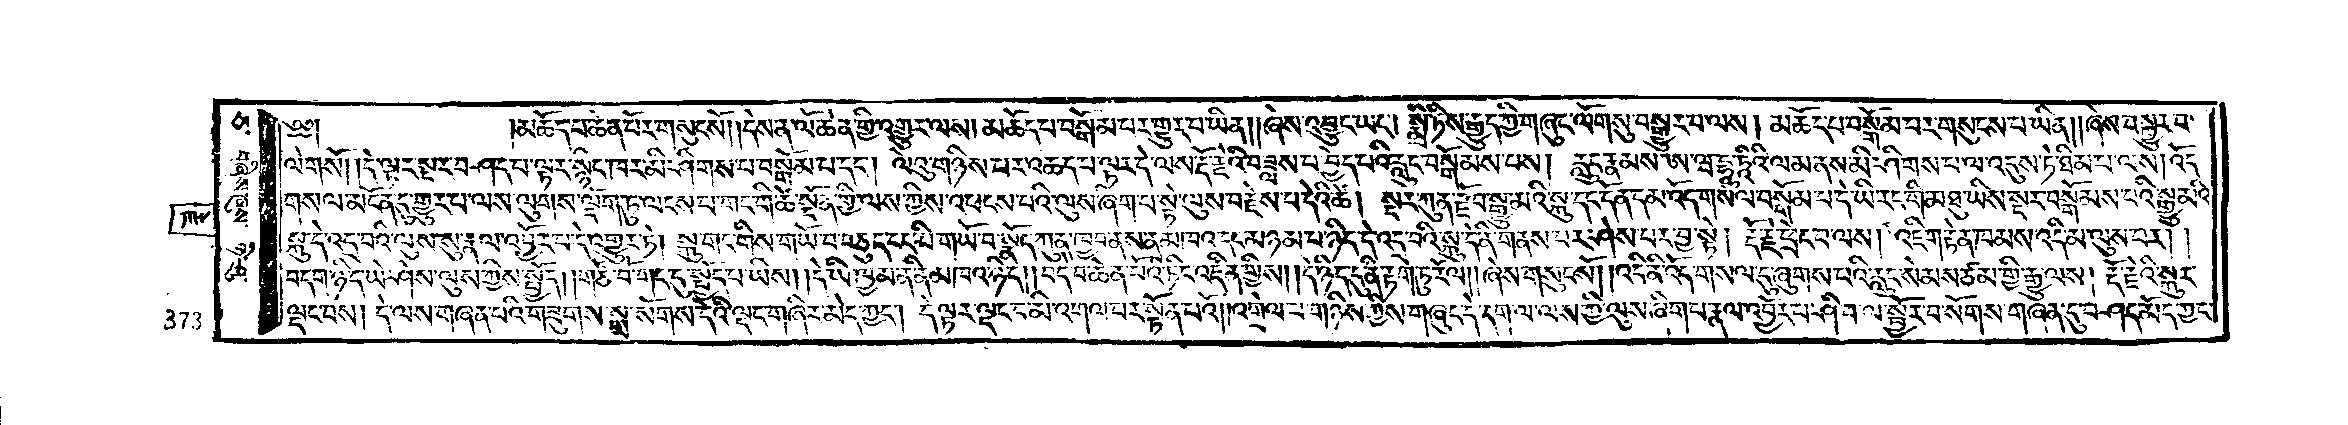༄༅། །མཆོད་པ་ཆེན་པོར་གསུངས་སོ། །དེས་ན་ལོ་ཆེན་གྱི་འགྱུར་ལས། མཆོད་པ་བསྒོམ་པར་གྱུར་པ་ཡིན། །ཞེས་འབྱུང་ཡང་། སྨྲི་ཏིས་རྒྱུད་ཀྱི་གཞུང་ལོག་སུ་བསྒྱུར་བ་ལས། མཆོད་པ་བསྒོམ་པར་གསུངས་པ་ཡིན། །ཞེས་བསྒྱུར་བ་
ལེགས་སོ། །དེ་ལྟར་སྔར་བཤད་པ་ལྟར་སྙིང་ཁར་མི་ཤིགས་པ་བསྒོམ་པ་དང་། ལེའུ་གཉིས་པར་འཆད་པ་ལྟར་དེ་ལས་རྡོ་རྗེའི་བཟླས་པ་བྱེད་པའི་རླུང་བསྒོམས་པས། རླུང་རྣམས་ཨ་ཝ་དྷཱུ་ཏཱིའི་ལམ་ནས་མི་ཤིགས་པ་ལ་འདུས་ཏེ་ཐིམ་པ་ལས། འོད་
གསལ་མངོན་དུ་གྱུར་པ་ལས་ལུགས་ལྡོག་ཏུ་ལངས་པ་གང་གི་ཚེ་སྔོན་གྱི་ལས་ཀྱིས་འཕངས་པའི་ལུས་ཞིག་པ་སྟེ་ལུས་བརྗེས་པ་དེའི་ཚེ། སྔར་ཀུན་རྫོབ་སྒྱུ་མའི་སྐུ་དང་དོན་དམ་འོད་གསལ་བསྒོམ་པ་དེ་ཡི་རང་གི་མཐུ་ཡིས་སྔར་བསྒོམས་པའི་སྒྱུ་མའི་
སྐུ་དེ་འདྲ་བའི་ལུས་སུ་རྣལ་འབྱོར་པ་དེ་འགྱུར་ཏེ། སྐུ་གང་གིས་གཡོ་བ་བཅུད་དང་མི་གཡོ་བ་སྣོད་ཀུན་ཁྱབ་ནས་ནམ་མཁའ་དང་མཉམ་པ་ཉིད་དེ་འདྲ་བའི་སྐུ་དེ་ནི་གནས་པར་ཤེས་པར་བྱ་སྟེ། རྡོ་རྗེ་ཕྲེང་བ་ལས། འཇིག་རྟེན་ཁམས་འདི་མ་ལུས་པར། །
བདག་ཉིད་ཡེ་ཤེས་ལུས་ཀྱིས་སྤྱོད། །གཙོ་བོ་གང་དུ་སྤྱོད་པ་ཡིས། །དེ་ཡི་ཁྱིམ་ན་ནི་མཁའ་ཉིད། །བདེ་བ་ཆེན་པོའི་ཏིང་འཛིན་གྱིས། །དེ་ཉིད་དུ་ནི་རྟག་ཏུ་རོལ། །ཞེས་གསུངས་སོ། །འདི་ནི་འོད་གསལ་དུ་ཞུགས་པའི་རླུང་སེམས་ཙམ་གྱི་རྒྱུ་ལས། རྡོ་རྗེའི་སྐུར་
ལྡང་བས། དེ་ལས་གཞན་པའི་གཟུགས་སྒྲ་སོགས་དེའི་ལྡང་གཞིར་མེད་ཀྱང་། དེ་ལྟར་ལྡང་བ་མི་འགལ་བར་སྟོན་པའོ། །འགྲེལ་པ་གཉིས་ཀྱིས་གཞུང་དེ་དག་ལ་ལས་ཀྱི་ལུས་ཞིག་པ་རྣལ་འབྱོར་པ་ཤི་བ་ལ་སྦྱོར་བ་སོགས་གཞན་དུ་བཤད་མོད་ཀྱང་